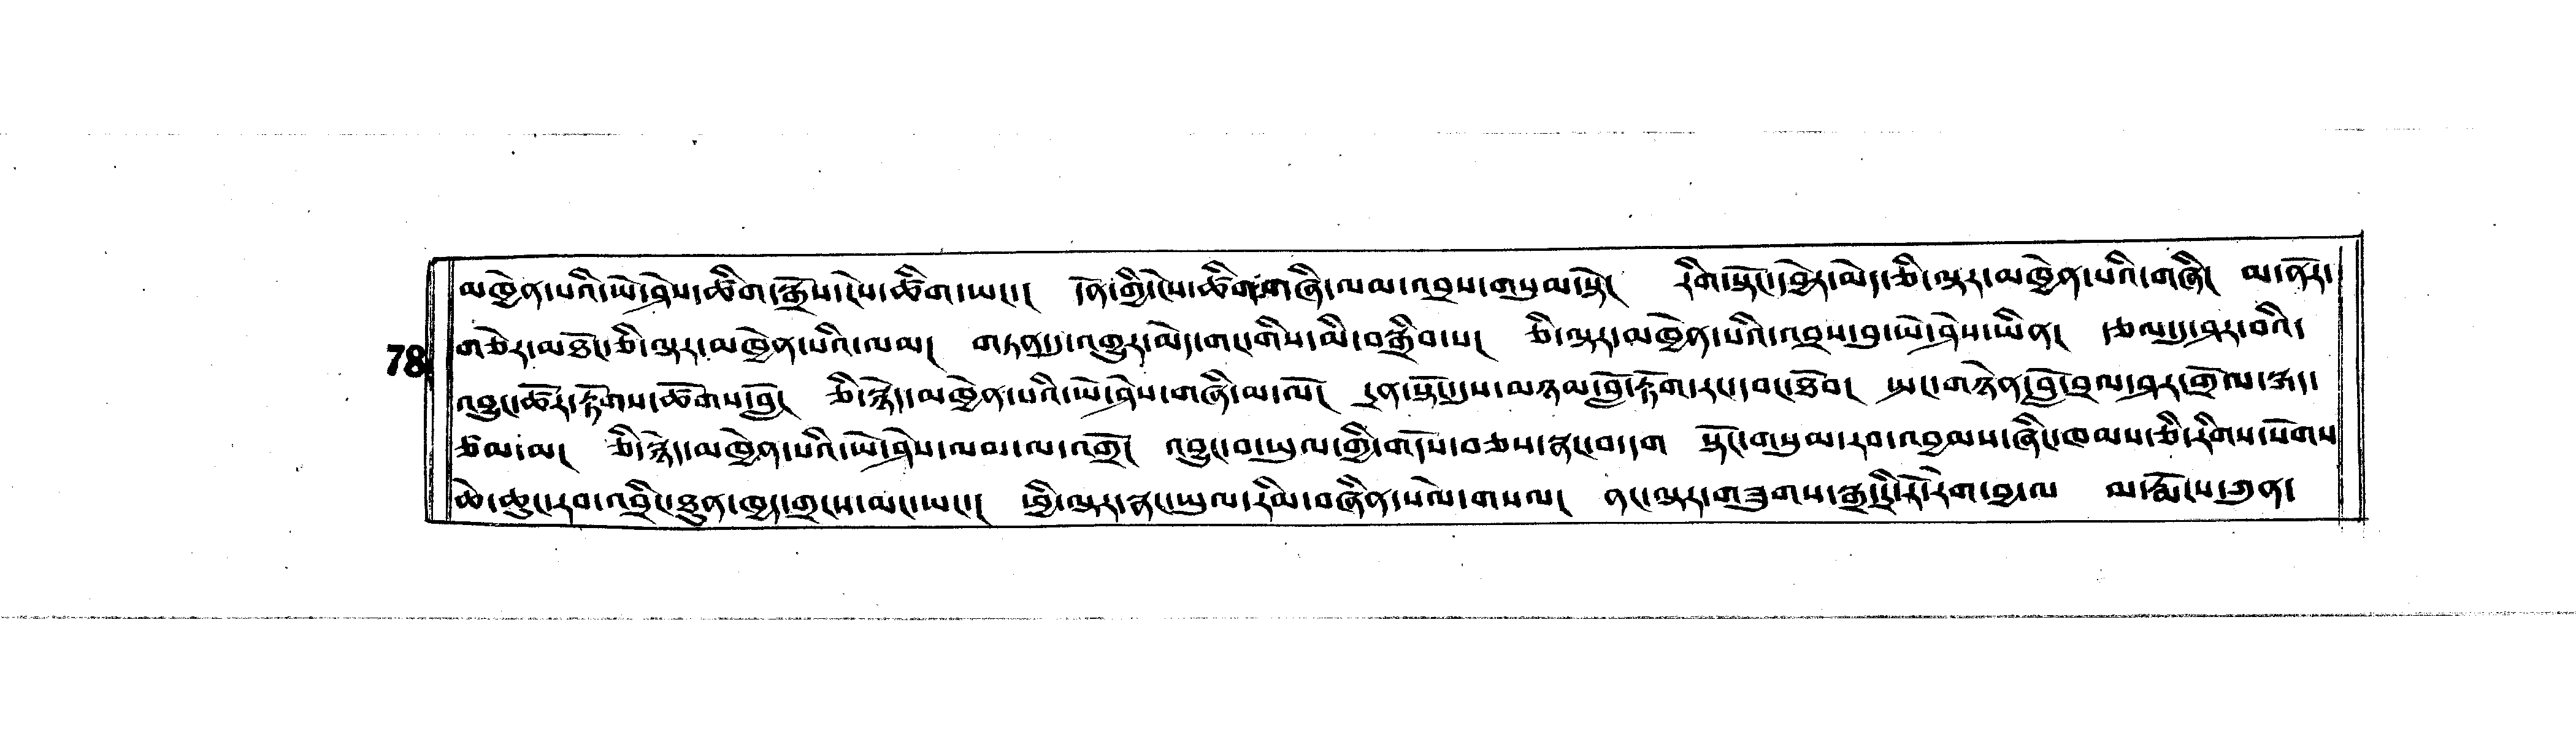མཁྱེན་པའི་ཡེ་ཤེས་ཚིག་སྒྲོས་ངེས་ཚིག་ཡང་། དོན་གྱི་ངེས་ཚིག་གཞི་ལམ་འབྲས་གསུམ་སྟེ། རིག་སྟོང་དབྱེར་མེད་ཅི་ལྟར་མཁྱེན་པའི་གཞི། མ་ནོར་
གཅེར་མཐོང་ཅི་ལྟར་མཁྱེན་པའི་ལམ། གཏན་དུ་འགྱུར་མེད་གང་གིས་མི་བསྒྲིབ་པ། ཅི་ལྟར་མཁྱེན་པའི་འབྲས་བུ་ཡེ་ཤེས་ཡིན། རྩལ་དུ་ཤར་བའི་
བྱུང་ཚོར་རྟོག་ཚོགས་བློ། ཅི་སྙེད་མཁྱེན་པའི་ཡེ་ཤེས་གཞི་མ་ལོ། དྲན་སྟོང་དུས་མཉམ་བློ་རྟོག་རང་དབང་ཐོབ། སྤང་གཉེན་བློ་བྲལ་ཤར་གྲོལ་སྐད་
ཙམ་ལ། ཅི་སྙེད་མཁྱེན་པའི་ཡེ་ཤེས་ལམ་ལ་འགྲོ། འབྱུང་བ་ཡུལ་གྱི་གདོས་བཅས་སྣང་བ་དག སྟོང་གསུམ་རབ་འབྱམས་ཞིང་ཁམས་ཅི་རིགས་སོགས། 
ཆེ་ཆུང་རབ་འབྲིང་ཐུན་ཁྱད་གྲངས་མང་ཡང་། ཕྱི་ལྟར་སྣང་ཡུལ་རིམ་བཞིན་ས་ལེ་གསལ། ནང་ལྟར་གཟུགས་སྒྲ་དྲི་རོ་རེག་བྱ་ལ། མ་རྨོངས་ཀུན་